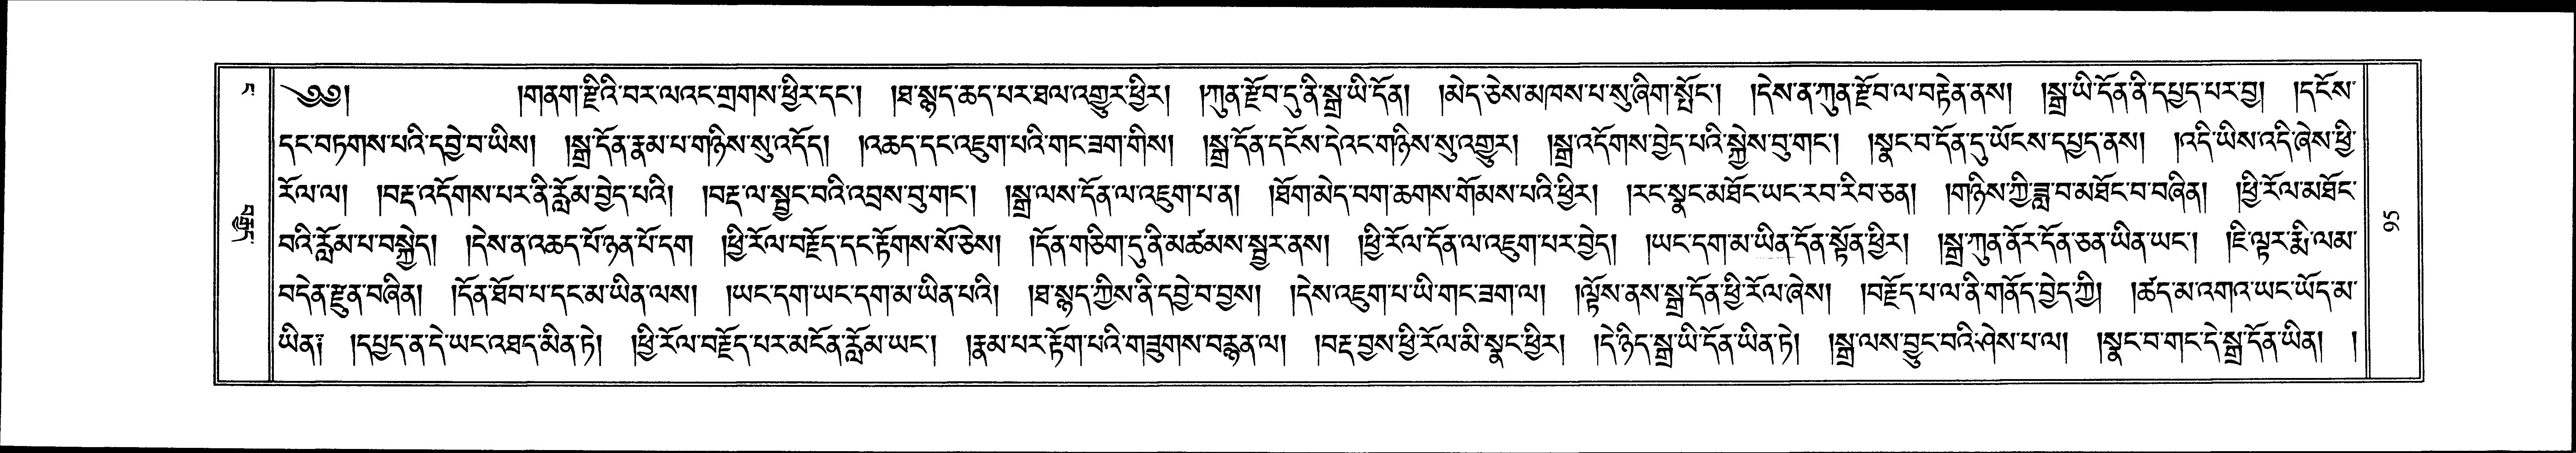༄༅། །གནག་རྫིའི་བར་ལའང་གྲགས་ཕྱིར་དང་། །ཐ་སྙད་ཆད་པར་ཐལ་འགྱུར་ཕྱིར། །ཀུན་རྫོབ་དུ་ནི་སྒྲ་ཡི་དོན། །མེད་ཅེས་མཁས་པ་སུ་ཞིག་སྤོང་། །དེས་ན་ཀུན་རྫོབ་ལ་བརྟེན་ནས། །སྒྲ་ཡི་དོན་ནི་དཔྱད་པར་བྱ། །དངོས་
དང་བཏགས་པའི་དབྱེ་བ་ཡིས། །སྒྲ་དོན་རྣམ་པ་གཉིས་སུ་འདོད། །འཆད་དང་འཇུག་པའི་གང་ཟག་གིས། །སྒྲ་དོན་དངོས་དེའང་གཉིས་སུ་འགྱུར། །སྒྲ་འདོགས་བྱེད་པའི་སྐྱེས་བུ་གང་། །སྣང་བ་དོན་དུ་ཡོངས་སྤྱད་ནས། །འདི་ཡིས་འདི་ཞེས་ཕྱི་
རོལ་ལ། །བརྡ་འདོགས་པར་ནི་རློམ་བྱེད་པའི། །བརྡ་ལ་སྦྱང་བའི་འབྲས་བུ་གང་། །སྒྲ་ལས་དོན་ལ་འཇུག་པ་ན། །ཐོག་མེད་བག་ཆགས་གོམས་པའི་ཕྱིར། །རང་སྣང་མཐོང་ཡང་རབ་རིབ་ཅན། །གཉིས་ཀྱི་ཟླ་བ་མཐོང་བ་བཞིན། །ཕྱི་རོལ་མཐོང་
བའི་རློམ་པ་བསྐྱེད། །དེས་ན་འཆད་པོ་ཉན་པོ་དག །ཕྱི་རོལ་བརྗོད་དང་རྟོགས་སོ་ཅེས། །དོན་གཅིག་དུ་ནི་མཚམས་སྦྱར་ནས། །ཕྱི་རོལ་དོན་ལ་འཇུག་པར་བྱེད། །ཡང་དག་མ་ཡིན་དོན་སྟོན་ཕྱིར། །སྒྲ་ཀུན་ནོར་དོན་ཅན་ཡིན་ཡང་། །ཇི་ལྟར་རྨི་ལམ་
བདེན་རྫུན་བཞིན། །དོན་ཐོབ་པ་དང་མ་ཡིན་ལས། །ཡང་དག་ཡང་དག་མ་ཡིན་པའི། །ཐ་སྙད་ཀྱིས་ནི་དབྱེ་བ་བྱས། །དེས་འཇུག་པ་ཡི་གང་ཟག་ལ། །ལྟོས་ནས་སྒྲ་དོན་ཕྱི་རོལ་ཞེས། །བརྗོད་པ་ལ་ནི་གནོད་བྱེད་ཀྱི། །ཚད་མ་འགའ་ཡང་ཡོད་མ་
ཡིན། །དཔྱད་ན་དེ་ཡང་འཐད་མིན་ཏེ། །ཕྱི་རོལ་བརྗོད་པར་མངོན་རློམ་ཡང་། །རྣམ་པར་རྟོག་པའི་གཟུགས་བརྙན་ལ། །བརྡ་བྱས་ཕྱི་རོལ་མི་སྣང་ཕྱིར། །དེ་ཉིད་སྒྲ་ཡི་དོན་ཡིན་ཏེ། །སྒྲ་ལས་བྱུང་བའི་ཤེས་པ་ལ། །སྣང་བ་གང་དེ་སྒྲ་དོན་ཡིན། །